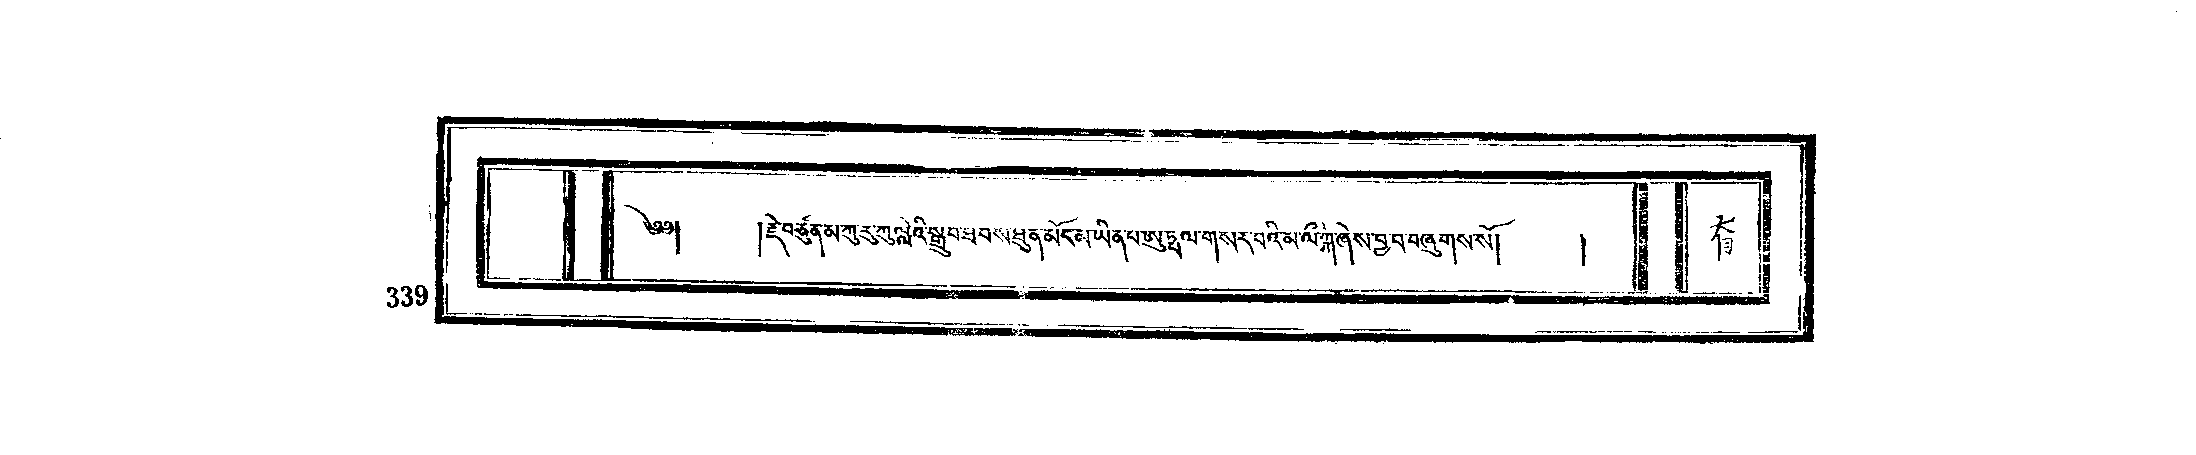༄༅། །རྗེ་བཙུན་མ་ཀུ་རུ་ཀུ་ལླེའི་སྒྲུབ་ཐབས་ཐུན་མོང་མ་ཡིན་པ་ཨུ་ཏྤལ་གསར་པའི་མ་ལྀ་ཀྐ་ཞེས་བྱ་བ་བཞུགས་སོ། །